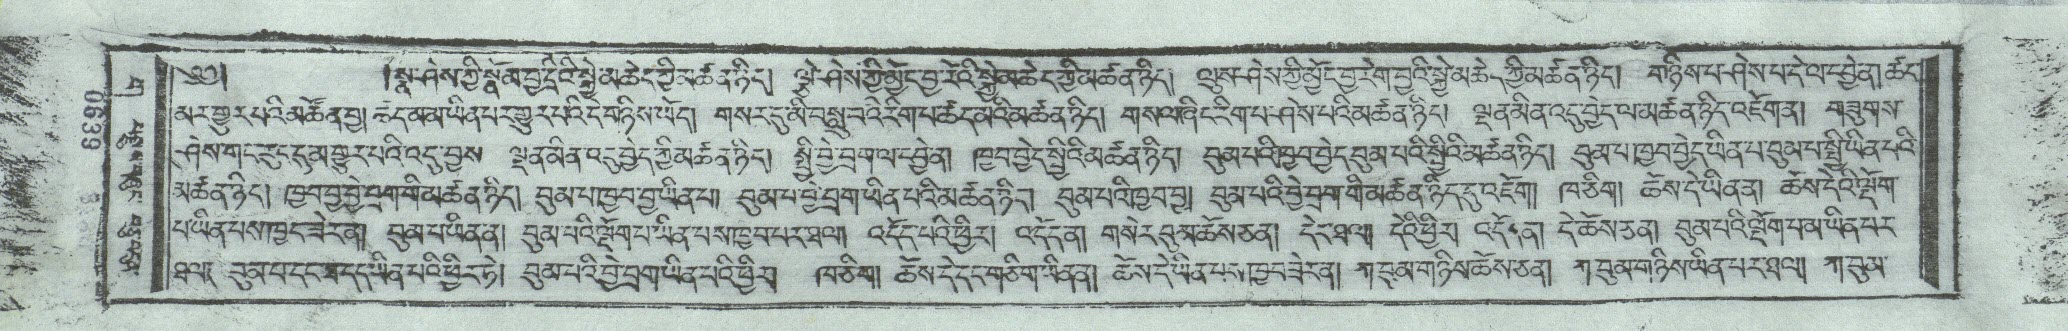༄༅། །སྣ་ཤེས་ཀྱི་སྣོམ་བྱ་དྲིའི་སྐྱེ་མཆེད་ཀྱི་མཚན་ཉིད། ལྕེ་ཤེས་ཀྱི་མྱོང་བྱ་རོའི་སྐྱེ་མཆེད་ཀྱི་མཚན་ཉིད། ལུས་ཤེས་ཀྱི་མྱོང་བྱ་རེག་བྱའི་སྐྱེ་མཆེད་ཀྱི་མཚན་ཉིད། གཉིས་པ་ཤེས་པ་དེ་ལ་དབྱེ་ན། ཚད་
མར་གྱུར་པའི་མཚོན་བྱ། ཚད་མ་མ་ཡིན་པར་གྱུར་པའི་དེ་གཉིས་ཡོད། གསར་དུ་མི་བསླུ་བའི་རིག་པ་ཚད་མའི་མཚན་ཉིད། གསལ་ཞིང་རིག་པ་ཤེས་པའི་མཚན་ཉིད། ལྡན་མིན་འདུ་བྱེད་ལ་མཚན་ཉིད་འཇོག་ན། གཟུགས་
ཤེས་གང་རུང་དུ་མ་གྱུར་པའི་འདུ་བྱས་ལྡན་མིན་འདུ་བྱེད་ཀྱི་མཚན་ཉིད། སྤྱི་བྱེ་བྲག་ལ་དབྱེ་ན། ཁྱབ་བྱེད་སྤྱིའི་མཚན་ཉིད། བུམ་པའི་ཁྱབ་བྱེད་བུམ་པའི་སྤྱིའི་མཚན་ཉིད། བུམ་པ་ཁྱབ་བྱེད་ཡིན་པ་བུམ་པ་སྤྱི་ཡིན་པའི་
མཚན་ཉིད། ཁྱབ་བྱ་བྱེ་བྲག་གི་མཚན་ཉིད། བུམ་པ་ཁྱབ་བྱ་ཡིན་པ། བུམ་པ་བྱེ་བྲག་ཡིན་པའི་མཚན་ཉིད། བུམ་པའི་ཁྱབ་བྱ། བུམ་པའི་བྱེ་བྲག་གི་མཚན་ཉིད་དུ་འཇོག། ཁ་ཅིག། ཆོས་དེ་ཡིན་ན། ཆོས་དེའི་ལྡོག་
པ་ཡིན་པས་ཁྱབ་ཟེར་ན། བུམ་པ་ཡིན་ན། བུམ་པའི་ལྡོག་པ་ཡིན་པས་ཁྱབ་པར་ཐལ། འདོད་པའི་ཕྱིར། འདོད་ན། གསེར་བུམ་ཆོས་ཅན། དེར་ཐལ། དེའི་ཕྱིར། འདོད་ན། དེ་ཆོས་ཅན། བུམ་པའི་ལྡོག་པ་མ་ཡིན་པར་
ཐལ༑ བུམ་བ་དང་ཐ་དད་ཡིན་པའི་ཕྱིར་ཏེ། བུམ་པའི་བྱེ་བྲག་ཡིན་པའི་ཕྱིར། ཁ་ཅིག། ཆོས་དེ་དང་གཅིག་ཡིན་ན། ཆོས་དེ་ཡིན་པས་ཁྱབ་ཟེར་ན། ཀ་བུམ་གཉིས་ཆོས་ཅན། ཀ་བུམ་གཉིས་ཡིན་པར་ཐལ། ཀ་བུམ་